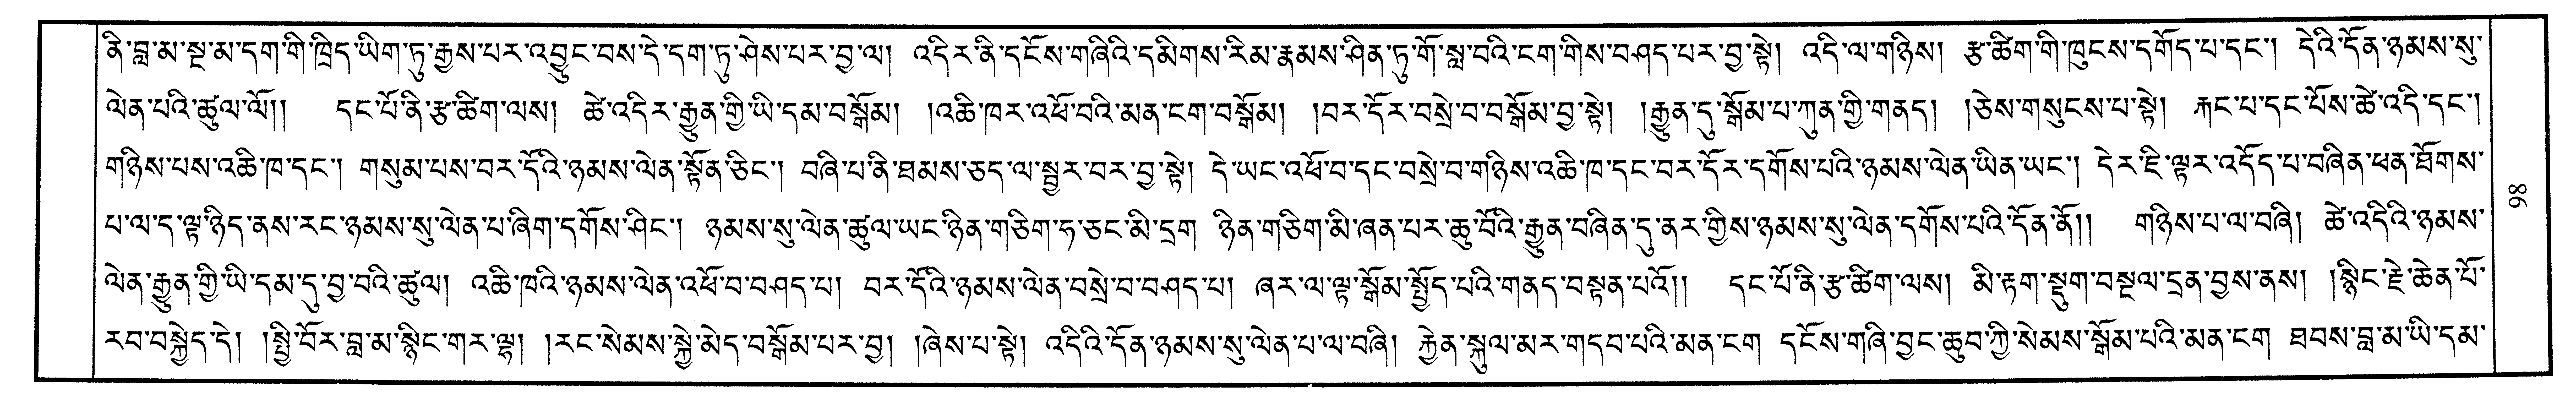ནི་བླ་མ་སྔ་མ་དག་གི་ཁྲིད་ཡིག་ཏུ་རྒྱས་པར་འབྱུང་བས་དེ་དག་ཏུ་ཤེས་པར་བྱ་ལ། འདིར་ནི་དངོས་གཞིའི་དམིགས་རིམ་རྣམས་ཤིན་ཏུ་གོ་སླ་བའི་ངག་གི་བཤད་པར་བྱ་སྟེ། འདི་ལ་གཉིས། རྩ་ཚིག་གི་ཁུངས་དགོད་པ་དང་། དེའི་དོན་ཉམས་སུ་
ལེན་པའི་ཚུལ་ལོ།། དང་པོ་ནི་རྩ་ཚིག་ལས། ཚེ་འདིར་རྒྱུན་གྱི་ཡི་དམ་བསྒོམ། །འཆི་ཁར་འཕོ་བའི་མན་ངག་བསྒོམ། །བར་དོར་བསྲེ་བ་བསྒོམ་བྱ་སྟེ། །རྒྱུན་དུ་སྒོམ་པ་ཀུན་གྱི་གནད། །ཅེས་གསུངས་པ་སྟེ། རྐང་པ་དང་པོས་ཚེ་འདི་དང་།
གཉིས་པས་འཆི་ཁ་དང་། གསུམ་པས་བར་དོའི་ཉམས་ལེན་སྟོན་ཅིང་། བཞི་པ་ནི་ཐམས་ཅད་ལ་སྦྱར་བར་བྱ་སྟེ། དེ་ཡང་འཕོ་བ་དང་བསྲེ་བ་གཉིས་འཆི་ཁ་དང་བར་དོར་དགོས་པའི་ཉམས་ལེན་ཡིན་ཡང་། དེར་ཇི་ལྟར་འདོད་པ་བཞིན་ཕན་ཐོགས་
པ་ལ་ད་ལྟ་ཉིད་ནས་རང་ཉམས་སུ་ལེན་པ་ཞིག་དགོས་ཤིང་། ཉམས་སུ་ལེན་ཚུལ་ཡང་ཉིན་གཅིག་ཧ་ཅང་མི་དྲག །ཉིན་གཅིག་མི་ཞན་པར་ཆུ་བོའི་རྒྱུན་བཞིན་དུ་ནར་གྱིས་ཉམས་སུ་ལེན་དགོས་པའི་དོན་ནོ།། གཉིས་པ་ལ་བཞི། ཚེ་འདིའི་ཉམས་
ལེན་རྒྱུན་གྱི་ཡི་དམ་དུ་བྱ་བའི་ཚུལ། འཆི་ཁའི་ཉམས་ལེན་འཕོ་བ་བཤད་པ། བར་དོའི་ཉམས་ལེན་བསྲེ་བ་བཤད་པ། ཞར་ལ་ལྟ་སྒོམ་སྤྱོད་པའི་གནད་བསྟན་པའོ།། དང་པོ་ནི་རྩ་ཚིག་ལས། མི་རྟག་སྡུག་བསྔལ་དྲན་བྱས་ནས། །སྙིང་རྗེ་ཆེན་པོ་
རབ་བསྐྱེད་དེ། །སྤྱི་བོར་བླ་མ་སྙིང་གར་ལྷ། །རང་སེམས་སྐྱེ་མེད་བསྒོམ་པར་བྱ། །ཞེས་པ་སྟེ། འདིའི་དོན་ཉམས་སུ་ལེན་པ་ལ་བཞི། རྐྱེན་སྐུལ་མར་གདབ་པའི་མན་ངག །དངོས་གཞི་བྱང་ཆུབ་ཀྱི་སེམས་སྒོམ་པའི་མན་ངག །ཐབས་བླ་མ་ཡི་དམ་